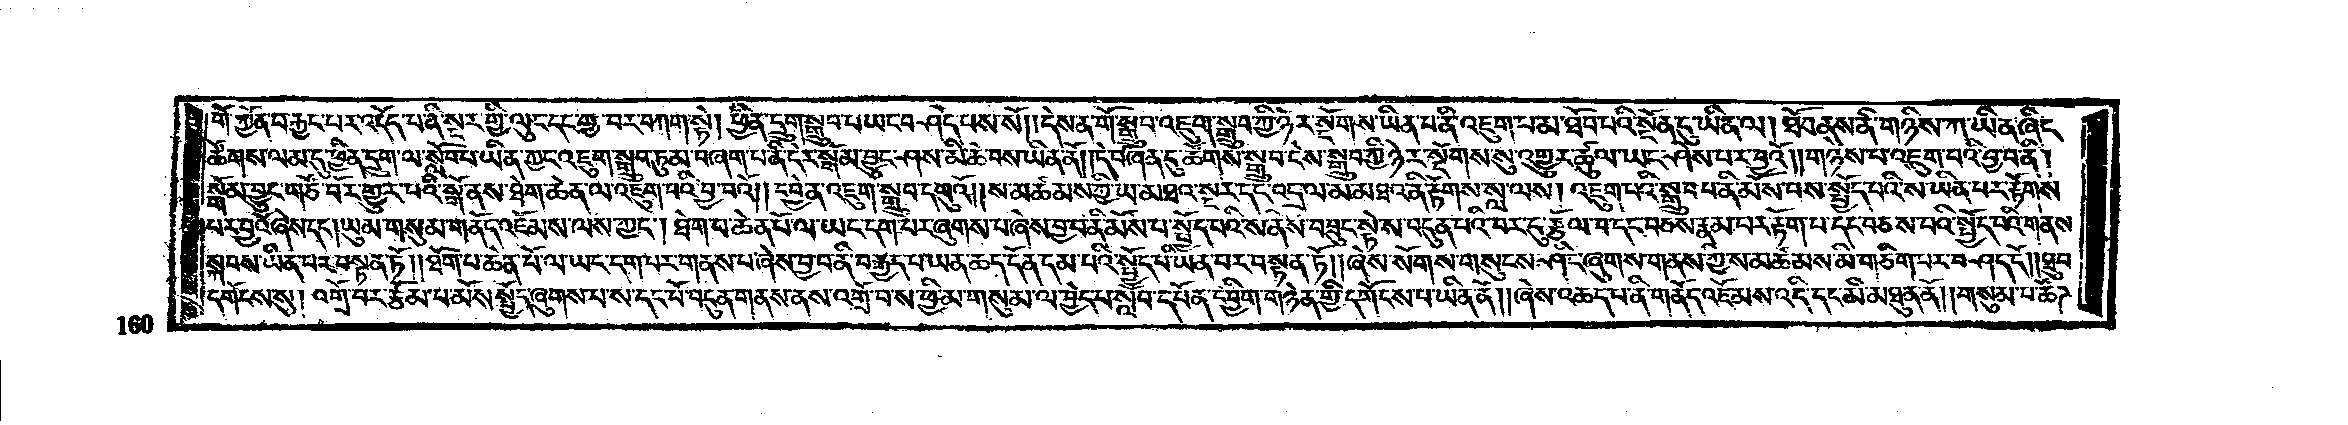གོ་གྱོན་པ་རྐྱང་པར་འདོད་པ་ནི་སྔར་གྱི་ལུང་དང་རྩ་བར་བཀག་སྟེ། ཕྱིན་དྲུག་སྒྲུབ་པ་ཡང་བཤད་པས་སོ། །དེས་ན་གོ་སྒྲུབ་འཇུག་སྒྲུབ་ཀྱི་ཉེར་སྡོགས་ཡིན་པ་ནི་འཇུག་པ་མ་ཐོབ་པའི་སྔོན་དུ་ཡིན་ལ། ཐོབ་ནས་ནི་གཉིས་ཀ་ཡིན་ཞིང་
ཚོགས་ལམ་དུ་ཕྱིན་དྲུག་ལ་སློབ་པ་ཡིན་ཀྱང་འཇུག་སྒྲུབ་ཏུ་མ་བཞག་པ་ནི་དེར་སྒོམ་བྱུང་ཤེས་མི་ཆེ་བས་ཡིན་ནོ། །དེ་བཞིན་དུ་ཚོགས་སྒྲུབ་ངེས་སྒྲུབ་ཀྱི་ཉེར་སྡོགས་སུ་འགྱུར་ཚུལ་ཡང་ཤེས་པར་བྱའོ། །གཉིས་པ་འཇུག་པའི་བྱ་བ་ནི།
སྒོམ་བྱུང་གཙོ་བོར་གྱུར་པའི་སྒོ་ནས་ཐེག་ཆེན་ལ་འཇུག་པའི་བྱ་བའོ། །དབྱེ་ན་འཇུག་སྒྲུབ་དགུའོ། །ས་མཚམས་ཀྱི་ཡ་མཐའ་སྔར་དང་འདྲ་ལ་མ་མཐའ་ནི་རྟོགས་སླ་ལས། འཇུག་པའི་སྒྲུབ་པ་ནི་མོས་པས་སྤྱོད་པའི་ས་ཡིན་པར་རྟོགས་
པར་བྱའོ་ཞེས་དང་། ཡུམ་གསུམ་གནོད་འཇོམས་ལས་ཀྱང་། ཐེག་པ་ཆེན་པོ་ལ་ཡང་དག་པར་ཞུགས་པ་ཞེས་བྱ་བ་ནི་མོས་པ་སྤྱོད་པའི་ས་ནས་བཟུང་སྟེ་ས་བདུན་པའི་བར་དུ་རྩོལ་བ་དང་བཅས་རྣམ་པར་རྟོག་པ་དང་བཅས་པའི་སྤྱོད་པའི་གནས་
སྐབས་ཡིན་པར་བསྟན་ཏོ། །ཐེག་པ་ཆེན་པོ་ལ་ཡང་དག་པར་གནས་པ་ཞེས་བྱ་བ་ནི་བརྒྱད་པ་ཡན་ཆད་དོན་དམ་པའི་སྤྱོད་པ་ཡིན་པར་བསྟན་ཏོ། །ཞེས་སོགས་གསུངས་ཤིང་ཞུགས་གནས་ཀྱི་ས་མཚམས་མི་གཅིག་པར་བཤད་དོ། །ཐུབ་
དགོངས་སུ། འགྲོ་བར་རྩོམ་པ་མོས་སྤྱོད་ཞུགས་པ་ས་དང་པོ་བདུན་གནས་ནས་འགྲོ་བ་ས་ཕྱི་མ་གསུམ་ལ་བཡ༦ཨེད་པ་སློབ་དཔོན་དབྱིག་གཉེན་གྱི་དགོངས་པ་ཡིན་ནོ། །ཞེས་འཆད་པ་ནི་གནོད་འཇོམས་འདི་དང་མི་མཐུན་ནོ། །གསུམ་པ་ཚོགས་